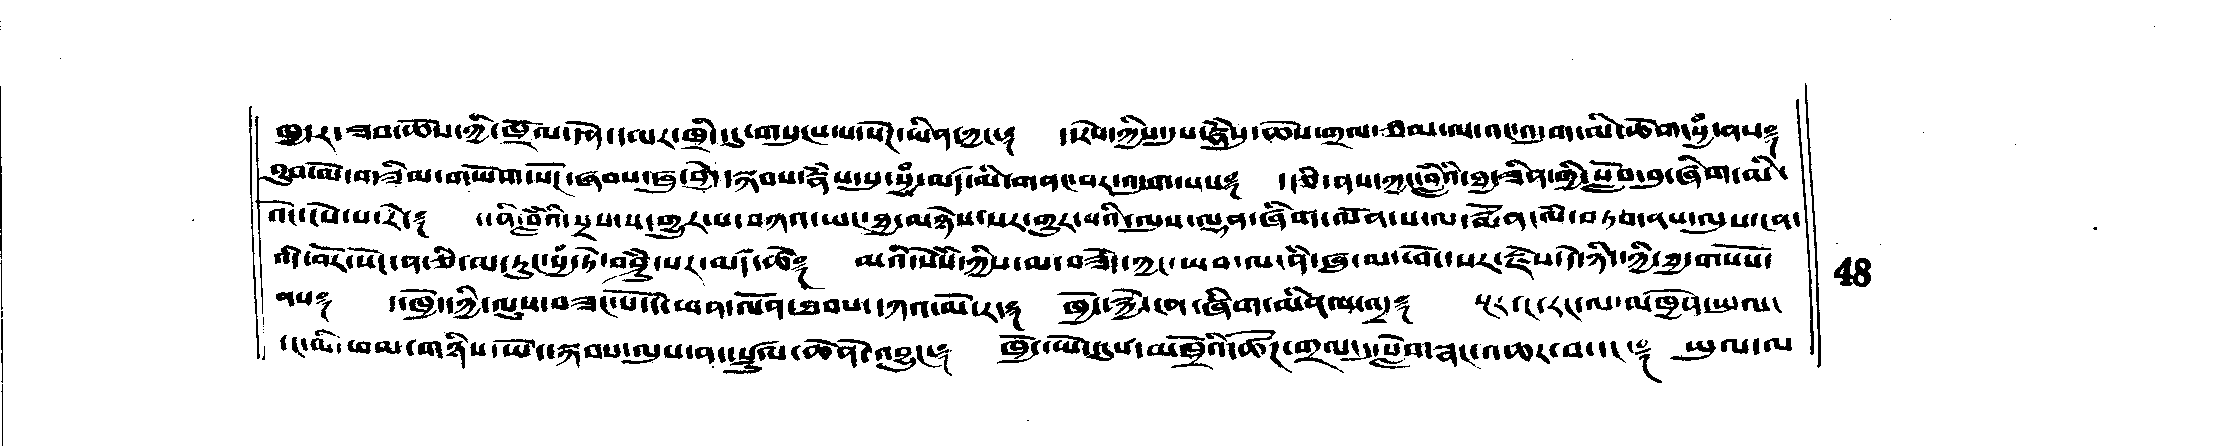ཁྱད་པར་ཟབ་ཆོས་ཀྱི་ཁྲོལ་དོན་དམར་ཁྲིད་དུ་གསུངས་པ་སོགས་ཡིན་ཀྱང་། ད་རེས་ཀྱིས་དུས་རྣམས་སུ་ཆོས་གྲལ་ཙམ་ལའང་འདུ་མི་ཆོག་གསུངས་ནས། 
ནུབ་མོ་གཟིམ་གཡོག་སོགས་ཞབས་ཞུ་བྱེད་སྐབས་རྣམས་སུ་གསུང་མཛད་མི་གནང་བར་འདུག་པས། ད་ཅི་ནས་ཀྱང་བླ་མའི་ཐུགས་ཟིན་གྱི་སློབ་བུ་ཞིག་མི་
འོང་ངེས་པར་རེད།ད་ནི་བླ་མའི་སྲས་སུ་གྱུར་པ་བཀའ་ཡང་ཐུགས་མཉེས་པར་གྱུར་པའི་ལུས་ལྡན་ཞིག་ལོན་པ་ལ་སྨོན་ལམ་བཏབ་ནས་ལུས་ངན་
འདི་བོར་སོང་ན་ཅི་མ་རུང་གསུངས་ཏེ་བཤུམ་པར་མཛད་ཚེ། མའི་སེམས་ཀྱིས་མ་བཟོད་ཀྱང་ཡབ་ལ་ནི་ཞུ་མ་ཕོད་པར་རྗེ་དེ་ཉིད་ཀྱི་ཐུགས་གསོས་
ནས། ད་ཁྱོད་ཀྱི་ལུས་བཟང་པོ་ད་ཕན་ལོན་ཐབས་དཀའ་མོ་རེད། ཁྱོད་སྐྱེ་ངན་ཞིག་མིན་པ་འདྲ། སྔར་ང་རང་ལ་མཁྱེན་སྤྲུལ་
དང་མི་ཕམ་གཉིས་ཡོད་སྐབས་ལུས་ན་སྡུག་བསྔལ་ཆེན་པོ་བྱུང་། ཁྱོད་ཡོང་དུས་མཁའ་འགྲོའི་ཚོགས་གྲལ་དུ་སླེབ་སྣང་འཆར་བ་དང་། ཡུལ་ལ་